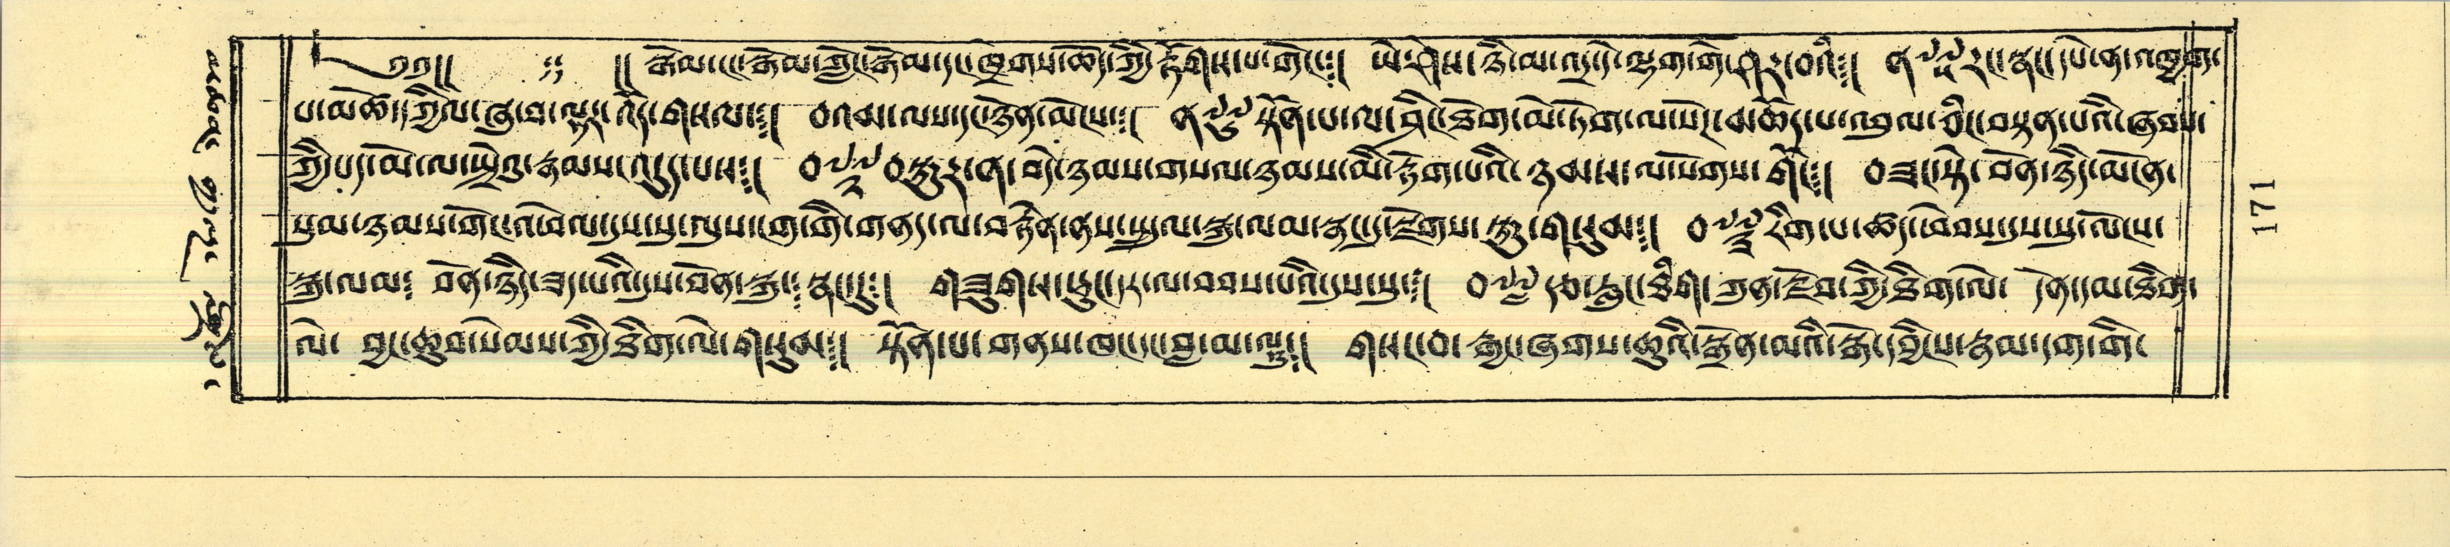སྒོམ་ངང་སྒོམ་ཀློང་སྒོམ་དང་ཁྲེགས་ཆོད་ཀྱི་༼རྟོགས༽པ་གོང་།༼ཡེ་ཤེས༽ཉི་མ་འདྲ་དེ་ལྷག་གེ་༼ཤར་བའི༽ན༧༧།༥༼རང་སྣང༽དཔེར་ན་འཁྱག་
པ་མཚོ་དཀྱིལ་ཞུ་བ་ལྟར་༼འོད་གསལ༽༼བའམ༽ལས་དང་ཉོན་མོངས་ན༧༧།༦༼སྟོན་པ་ལ༽ཤིང་ཐོག་མེ་ཏོག་ལ་སོགས་༼མཆོད༽པ་འབུལ་ཅིང་བསྟན་པའི་ཞབས་
ཀྱི་པད་མོ་ལ་སྤྲེའུ་རྣམས་༼འདུད་པས༽བ༧༧།༢༼བསྐུར་ན༽བདེ་ཉམས་གསལ་ཉམས་མི་རྟོག་༼ཉམས༽ལ་སོགས་༼གོང༽༼བཟང་སྟེ༽བོན་ཉིད་མངོན་
སུམ་ཉམས་གོང་འཕེལ་དུས་སུ་ལུས་ངག་གི་གནད་ལ་བརྟེན་ནས་སྤྲུལ་སྐུ་ལམ་སྣང་དུ་རྫོགས་༼སྐུ་གསུམ༽བ༧༠།༣རིག་པ་ཚད་ཕེབས་དུས་སུ་ལོངས་
སྐུ་ལམ་བོན་ཉིད་ཟད་པའི་དུས་སུ་བོན་སྐུ་སྣང་དུ་ ༼གཟུགས་ཕུང༽དར་ལ་བབས་པའི་དུས་སུ་བ༧༧།༤༼རྩ་རླུང་ཐིག༽ཀུན་རྫོབ་ཀྱི་ཐིག་ལེ། དོན་དམ་ཐིག་
ལེ། བྱང་ཆུབ་སེམས་ཀྱི་ཐིག་ལེ་༼གསུམ༽༼སྟོན་པ༽གནས་ཁང་དང་བླ་མ་ལྟ་བུ་༼གསང་བ༽རྒྱང་ཞགས་ཆུ་ཡི་སྒྲོན་མའི་སྒོ་དབྱིངས་རྣམ་དག་གི་